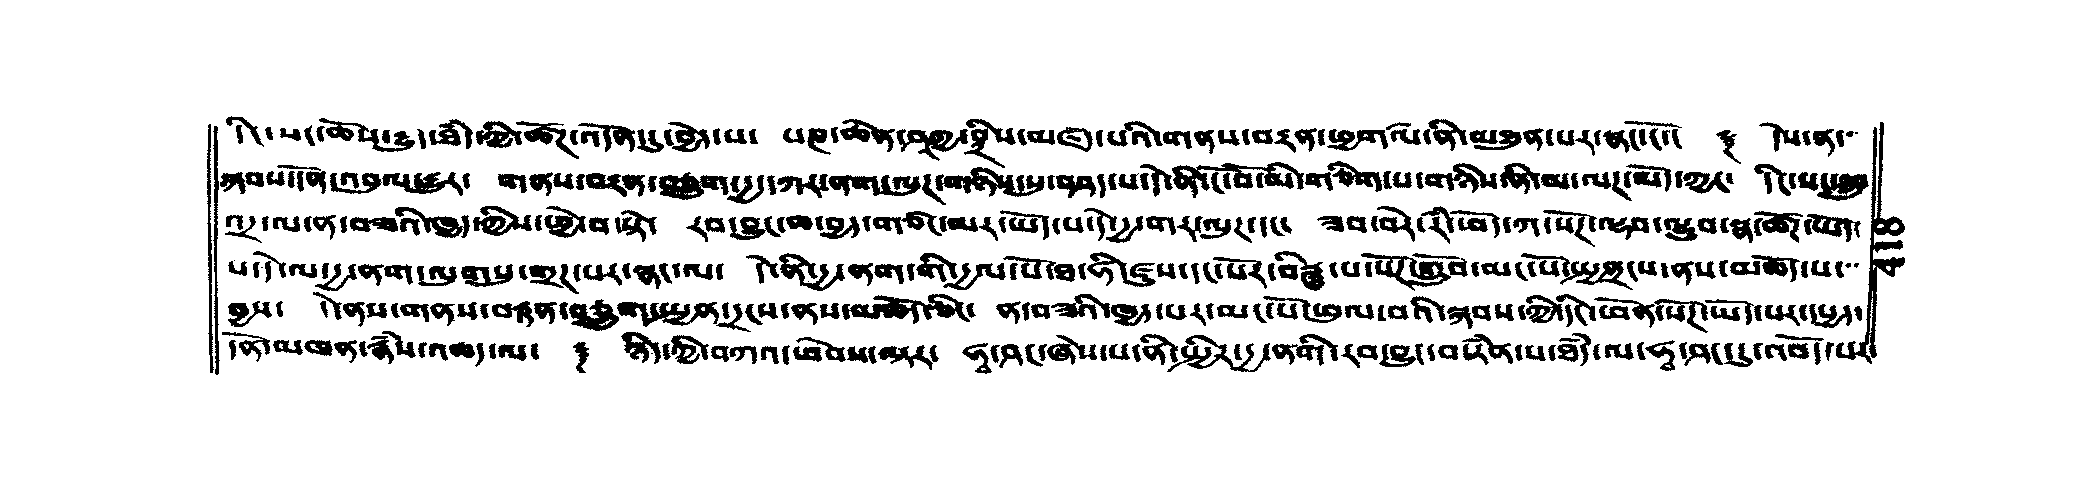དིང་སང་ཆོས་རྒྱུད་ཐམས་ཅད་ཀྱི་ཚོགས་འདུན་དུ་བྱེད་པ། པཎ་ཆེན་ཤཱཀྱ་ཤྲཱིས་མཛད་པའི་གནས་བརྟན་ཕྱག་འཚལ་ནི་མཐུན་པར་སྣང་ངོ་། དེས་ན་
སྐབས་དོན་འབུལ་རྒྱུར། གནས་བརྟན་བཅུ་དྲུག་རྒྱ་དཀར་ནག་ལུགས་གཉིས་སུ་བཤད་པ་དེ་ནི་ངོ་བོ་མི་གཅིག་པ་གཉིས་ནི་མ་ལགས་མོད་ཀྱང་། དིང་སང་སྐུ་
འདྲ་ལ་ན་བཟའི་ཁྱད་ཀྱིས་ཕྱེ་བ་སྟེ། རབ་བྱུང་ཆ་བྱད་གཙང་མར་ཡོད་པ་དེ་རྒྱ་གར་ལུགས་དང་། ཟབ་བེར་རམ་ཕོད་ཀ་སོགས་ལྷབ་ལྷུབ་སྣ་ཚོགས་ཡོད་
པ་དེ་ལ་རྒྱ་ནག་ལུགས་སུ་གྲགས་པར་སྣང་ལ། དེ་ནི་རྒྱ་ནག་གི་རྒྱལ་པོ་ཐ་ཧི་ཛུས་དང་པོར་བིརྦ་པ་སོགས་གྲུབ་ཐོབ་མང་པོ་སྤྱན་དྲངས་ནས་མཆོད་པ་
བྱས། དེ་ནས་གནས་བརྟན་བཅུ་དྲུག་སྤྱན་དྲངས་ནས་མཆོད་ཅིང་། ན་བཟའི་ཁྱད་པར་མང་པོ་ཕུལ་བའི་སྐབས་ཀྱི་དིང་ཕོན་སོགས་ཡོད་པར་དཔྱད་
དོན་མཁན་རྣམས་འཆད་ལ། ཉིད་ཀྱི་བཀའ་ཕེབས་ལྟར། ཧྭ་ཤང་ཞེས་པ་ནི་སྤྱིར་རྒྱ་ནག་གི་རབ་བྱུང་བསམ་གཏན་པ་ཐམས་ཅད་ལ་ཧྭ་ཤང་དུ་འབོད་པར་